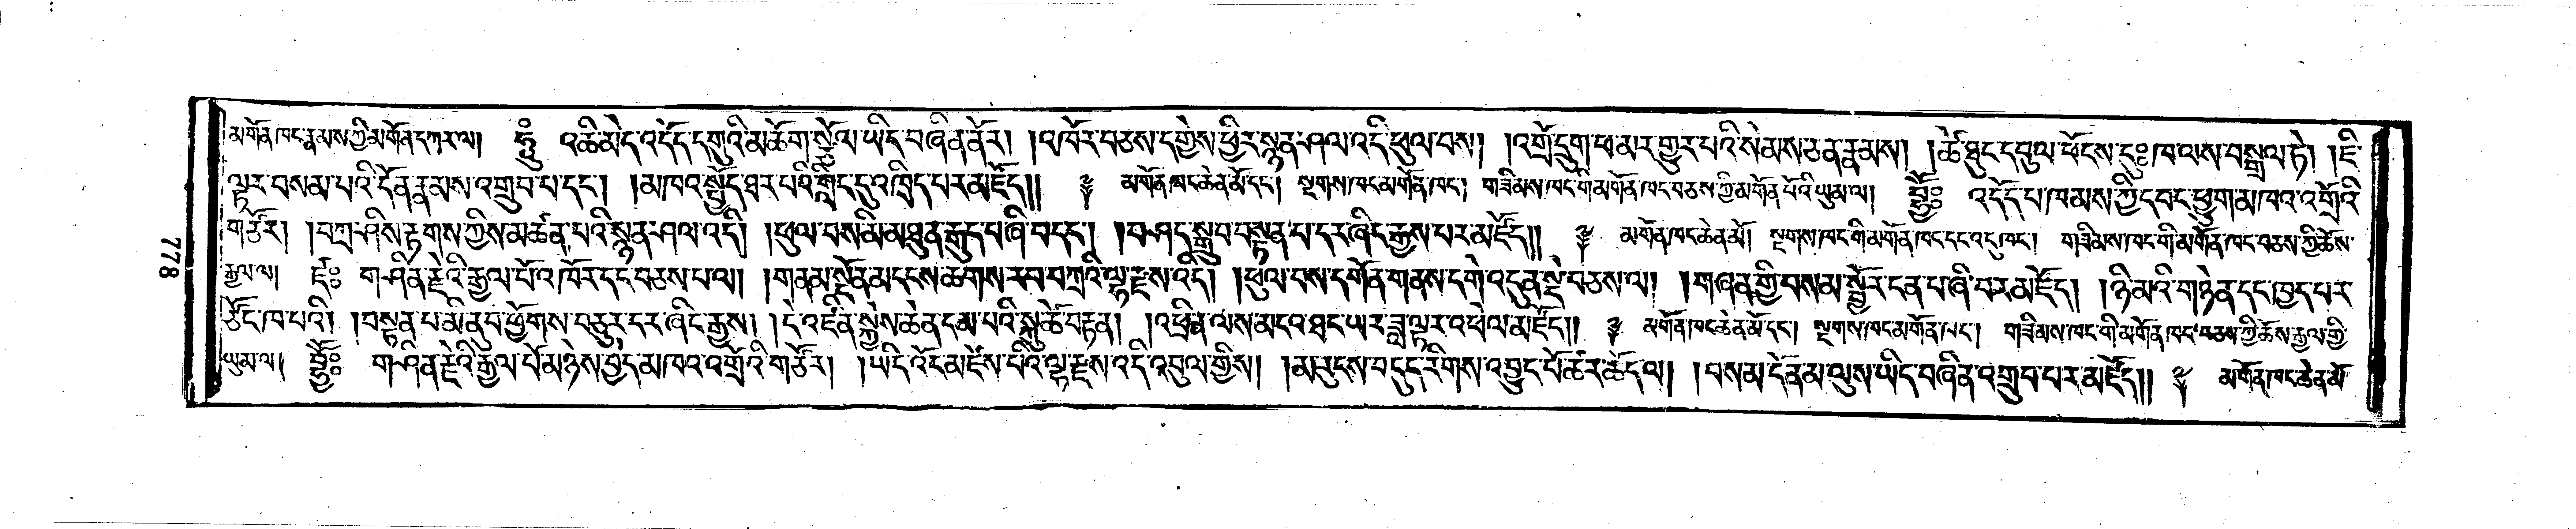མགོན་ཁང་རྣམས་ཀྱི་མགོན་དཀར་ལ། ཧཱུཾ་འཆི་མེད་འདོད་དགུའི་མཆོག་སྩོལ་ཡིད་བཞིན་ནོར། །འཁོར་བཅས་དགྱེས་ཕྱིར་སྙན་ཤལ་འདི་ཕུལ་བས། །འགྲོ་དྲུག་ཕ་མར་གྱུར་པའི་སེམས་ཅན་རྣམས། །ཚེ་ཐུང་དབུལ་ཕོངས་དུཿ ཁ་ལས་བསྒྲལ་ཏེ། །ཇི་
ལྟར་བསམ་པའི་དོན་རྣམས་འགྲུབ་པ་དང་། །མཁའ་སྤྱོད་ཐར་པའི་གླིང་དུ་འཁྲིད་པར་མཛོད།། ༈ མགོན་ཁང་ཆེན་མོ་དང་། སྔགས་ཁང་མགོན་ཁང་། གཟིམས་ཁང་གི་མགོན་ཁང་བཅས་ཀྱི་མགོན་པོའི་ཡུམ་ལ། བྷྱཽཿ འདོད་པ་ཁམས་ཀྱི་དབང་ཕྱུག་མཁའ་འགྲོའི་
གཙོར། །བཀྲ་ཤིས་རྟགས་ཀྱིས་མཚན་པའི་སྙན་ཤལ་འདི། །ཕུལ་བས་མི་མཐུན་རྒུད་པ་ཞི་བ་དང་། །བཤད་སྒྲུབ་བསྟན་པ་དར་ཞིང་རྒྱས་པར་མཛོད།། ༈ མགོན་ཁང་ཆེན་མོ། སྔགས་ཁང་གི་མགོན་ཁང་དང་འདུ་ཁང་། གཟིམས་ཁང་གི་མགོན་ཁང་བས་ཀྱི་ཆོས་
རྒྱལ་ལ། ཛཿ གཤིན་རྗེའི་རྒྱལ་པོ་འཁོར་དང་བཅས་པ་ལ། །གནམ་སྔོན་མདངས་ཆགས་རབ་བཀྲའི་ལྷ་རྫས་འདི། །ཕུལ་བས་དགོན་གནས་དགེ་འདུན་སྡེ་བཅས་ལ། །གཞན་གྱི་བསམ་སྦྱོར་ངན་པ་ཞི་བར་མཛོད། །ཉི་མའི་གཉེན་དང་ཁྱད་པར་
ཙོང་ཁ་པའི། །བསྟན་པ་མི་ནུབ་ཕྱོགས་བཅུར་དར་ཞིང་རྒྱས། །དེ་འཛིན་སྐྱེས་ཆེན་དམ་པའི་སྐུ་ཚེ་བརྟན། །འཕྲིན་ལས་མངའ་ཐང་ཡར་ཟླ་ལྟར་འཕེལ་མཛོད།། ༈ མགོན་ཁང་ཆེན་མོ་དང་། སྔགས་ཁང་མགོན་ཁང་། གཟིམས་ཁང་གི་མགོན་ཁང་བཅས་ཀྱི་ཆོས་རྒྱལ་གྱི་
ཡུམ་ལ། བྷྱཽཿ གཤིན་རྗེའི་རྒྱལ་པོ་མཉེས་བྱེད་མཁའ་འགྲོའི་གཙོར། །ཡིད་འོང་མཛེས་པའི་ལྷ་རྫས་འདི་འབུལ་གྱིས། །མ་རུངས་བདུད་རིགས་འབྱུང་པོ་ཚར་ཆོད་ལ། །བསམ་དོན་མ་ལུས་ཡིད་བཞིན་འགྲུབ་པར་མཛོད།། ༈ མགོན་ཁང་ཆེན་མོ་